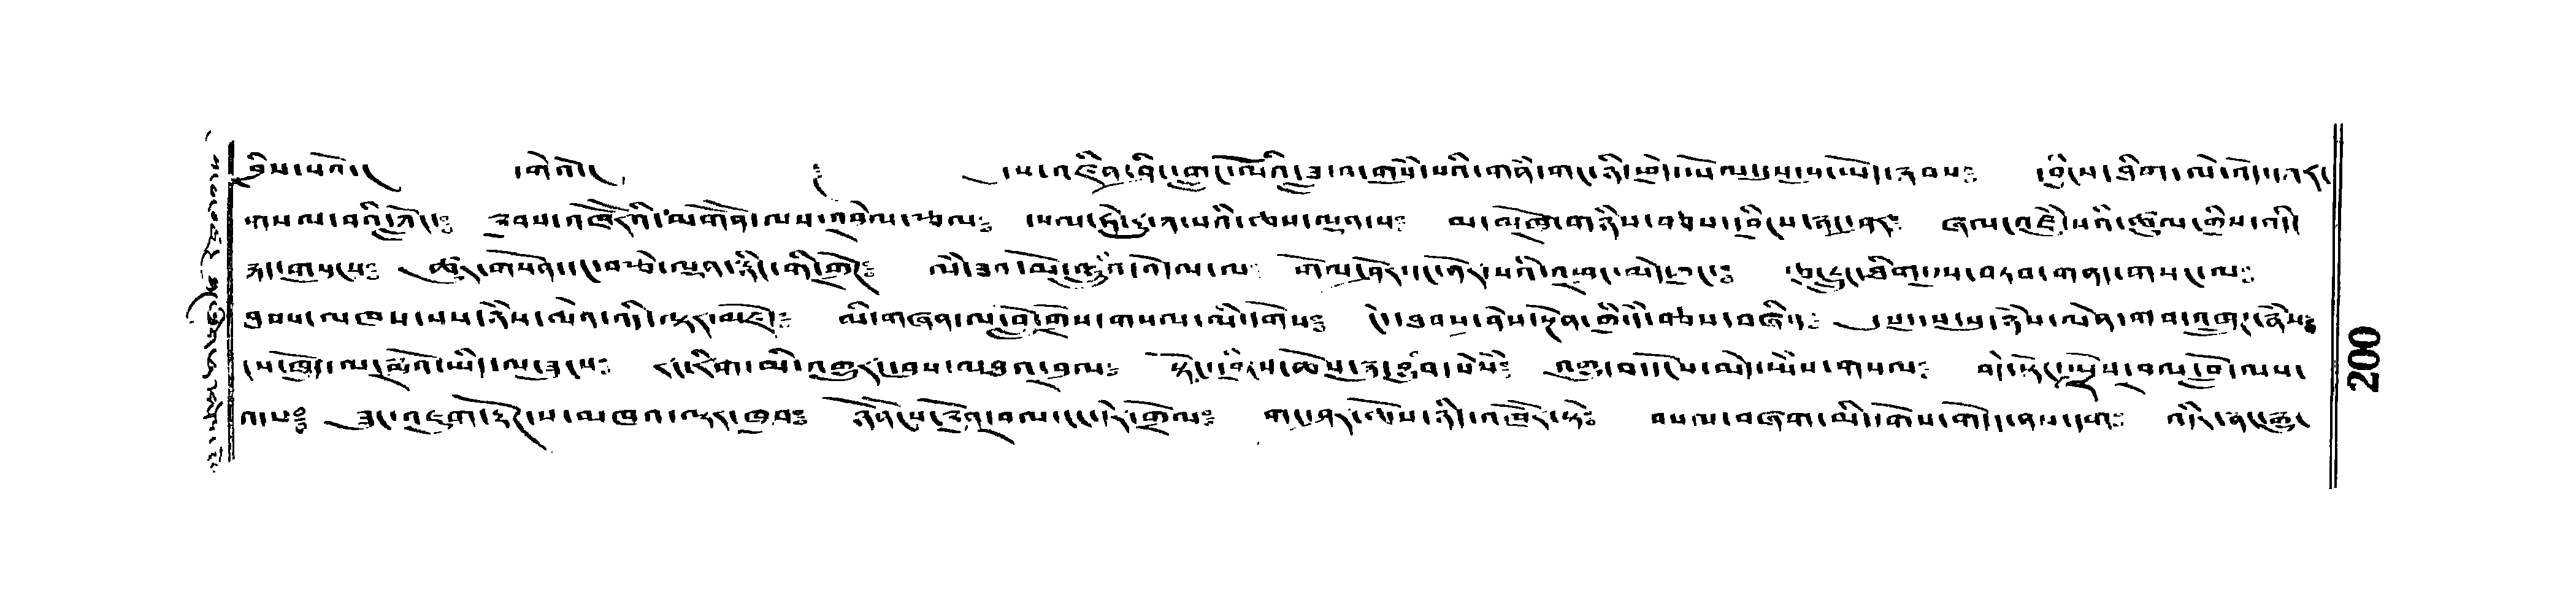བྲིས་པའོ།། དགེའོ།། ༈ དུས་འཛིན་ཤིང་གླང་ལོའི་ཟླ་བ་གསུམ་པའི་གནམ་གང་ཉི་ཕྱེད་ཡོལ་དུས་སུ་ཡོད་སྐབས༔ དབྱིངས་ཐིག་ལེ་འོད་དཀར་
གསལ་བའི་ཀློང༔ སྐྱབས་འཁོར་ལོའི་མགོན་པོ་ལས་འབྲེལ་རྩལ༔ དཔལ་ཧེ་རུ་ཀ་པའི་ཆས་ལྡན་པ༔ མ་མཁའ་འགྲོ་གཉིས་བཅས་དབྱིངས་སྣང་ཤར༔ ཞལ་འཛུམ་པའི་ཚུལ་གྱིས་འདི་
སྐད་གསུངས༔ ཚུར་གསོན་དང་བརྩེ་ལྡན་སྙིང་གི་གྲོགས༔ ལམ་ཟབ་མོ་ལྷུན་གྲུབ་འོད་གསལ་ལ༔ གོལ་ཤོར་དང་ནོར་སའི་འཕྲང་མེད་ཀྱང༔ རྩ་རླུང་ཐིག་རྒྱས་བཏབ་གནད་གསང་ལ༔ 
ཐབས་མཁས་པས་ཉམས་ལེན་འདི་ལྟར་མཛོད༔ མི་གཞན་ལ་བློ་གྲོས་གསལ་མི་དགོས༔ངེད་ཐབས་ཤེས་སྔོན་གྱི་དམ་བཅས་བཞིན༔ དུས་དུས་སུ་ཉམས་ལེན་གབ་འཁྲུགས་རྣམས༔ 
ངས་ཁྱོད་ལ་སྨྲའོ་ཡིད་ལ་ཟུངས༔ རང་རིག་མི་འགྱུར་དབུས་མཐའ་བྲལ༔ སྟོང་དབྱིངས་ཆོས་སྐུ་བྱང་ཆུབ་སེམས༔ འགྱུ་བ་དངོས་མེད་ཡེ་ཤེས་གསལ༔ བདེ་སྟོང་སྤྲོས་བྲལ་བློ་ལས་
འདས༔ ཟུང་འཇུག་རྟོགས་པ་མཁའ་ལྟར་ཁྱབ༔ ཉོན་མོངས་སྐྱོན་བྲལ་ངང་དེར་གྲོལ༔ གང་ཤར་ཆོས་ཉིད་འཁོར་ལོ་སྟེ༔ བསལ་བཞག་མི་དགོས་གདོད་ནས་དག༔ འདིར་སྣང་སྒྱུ་